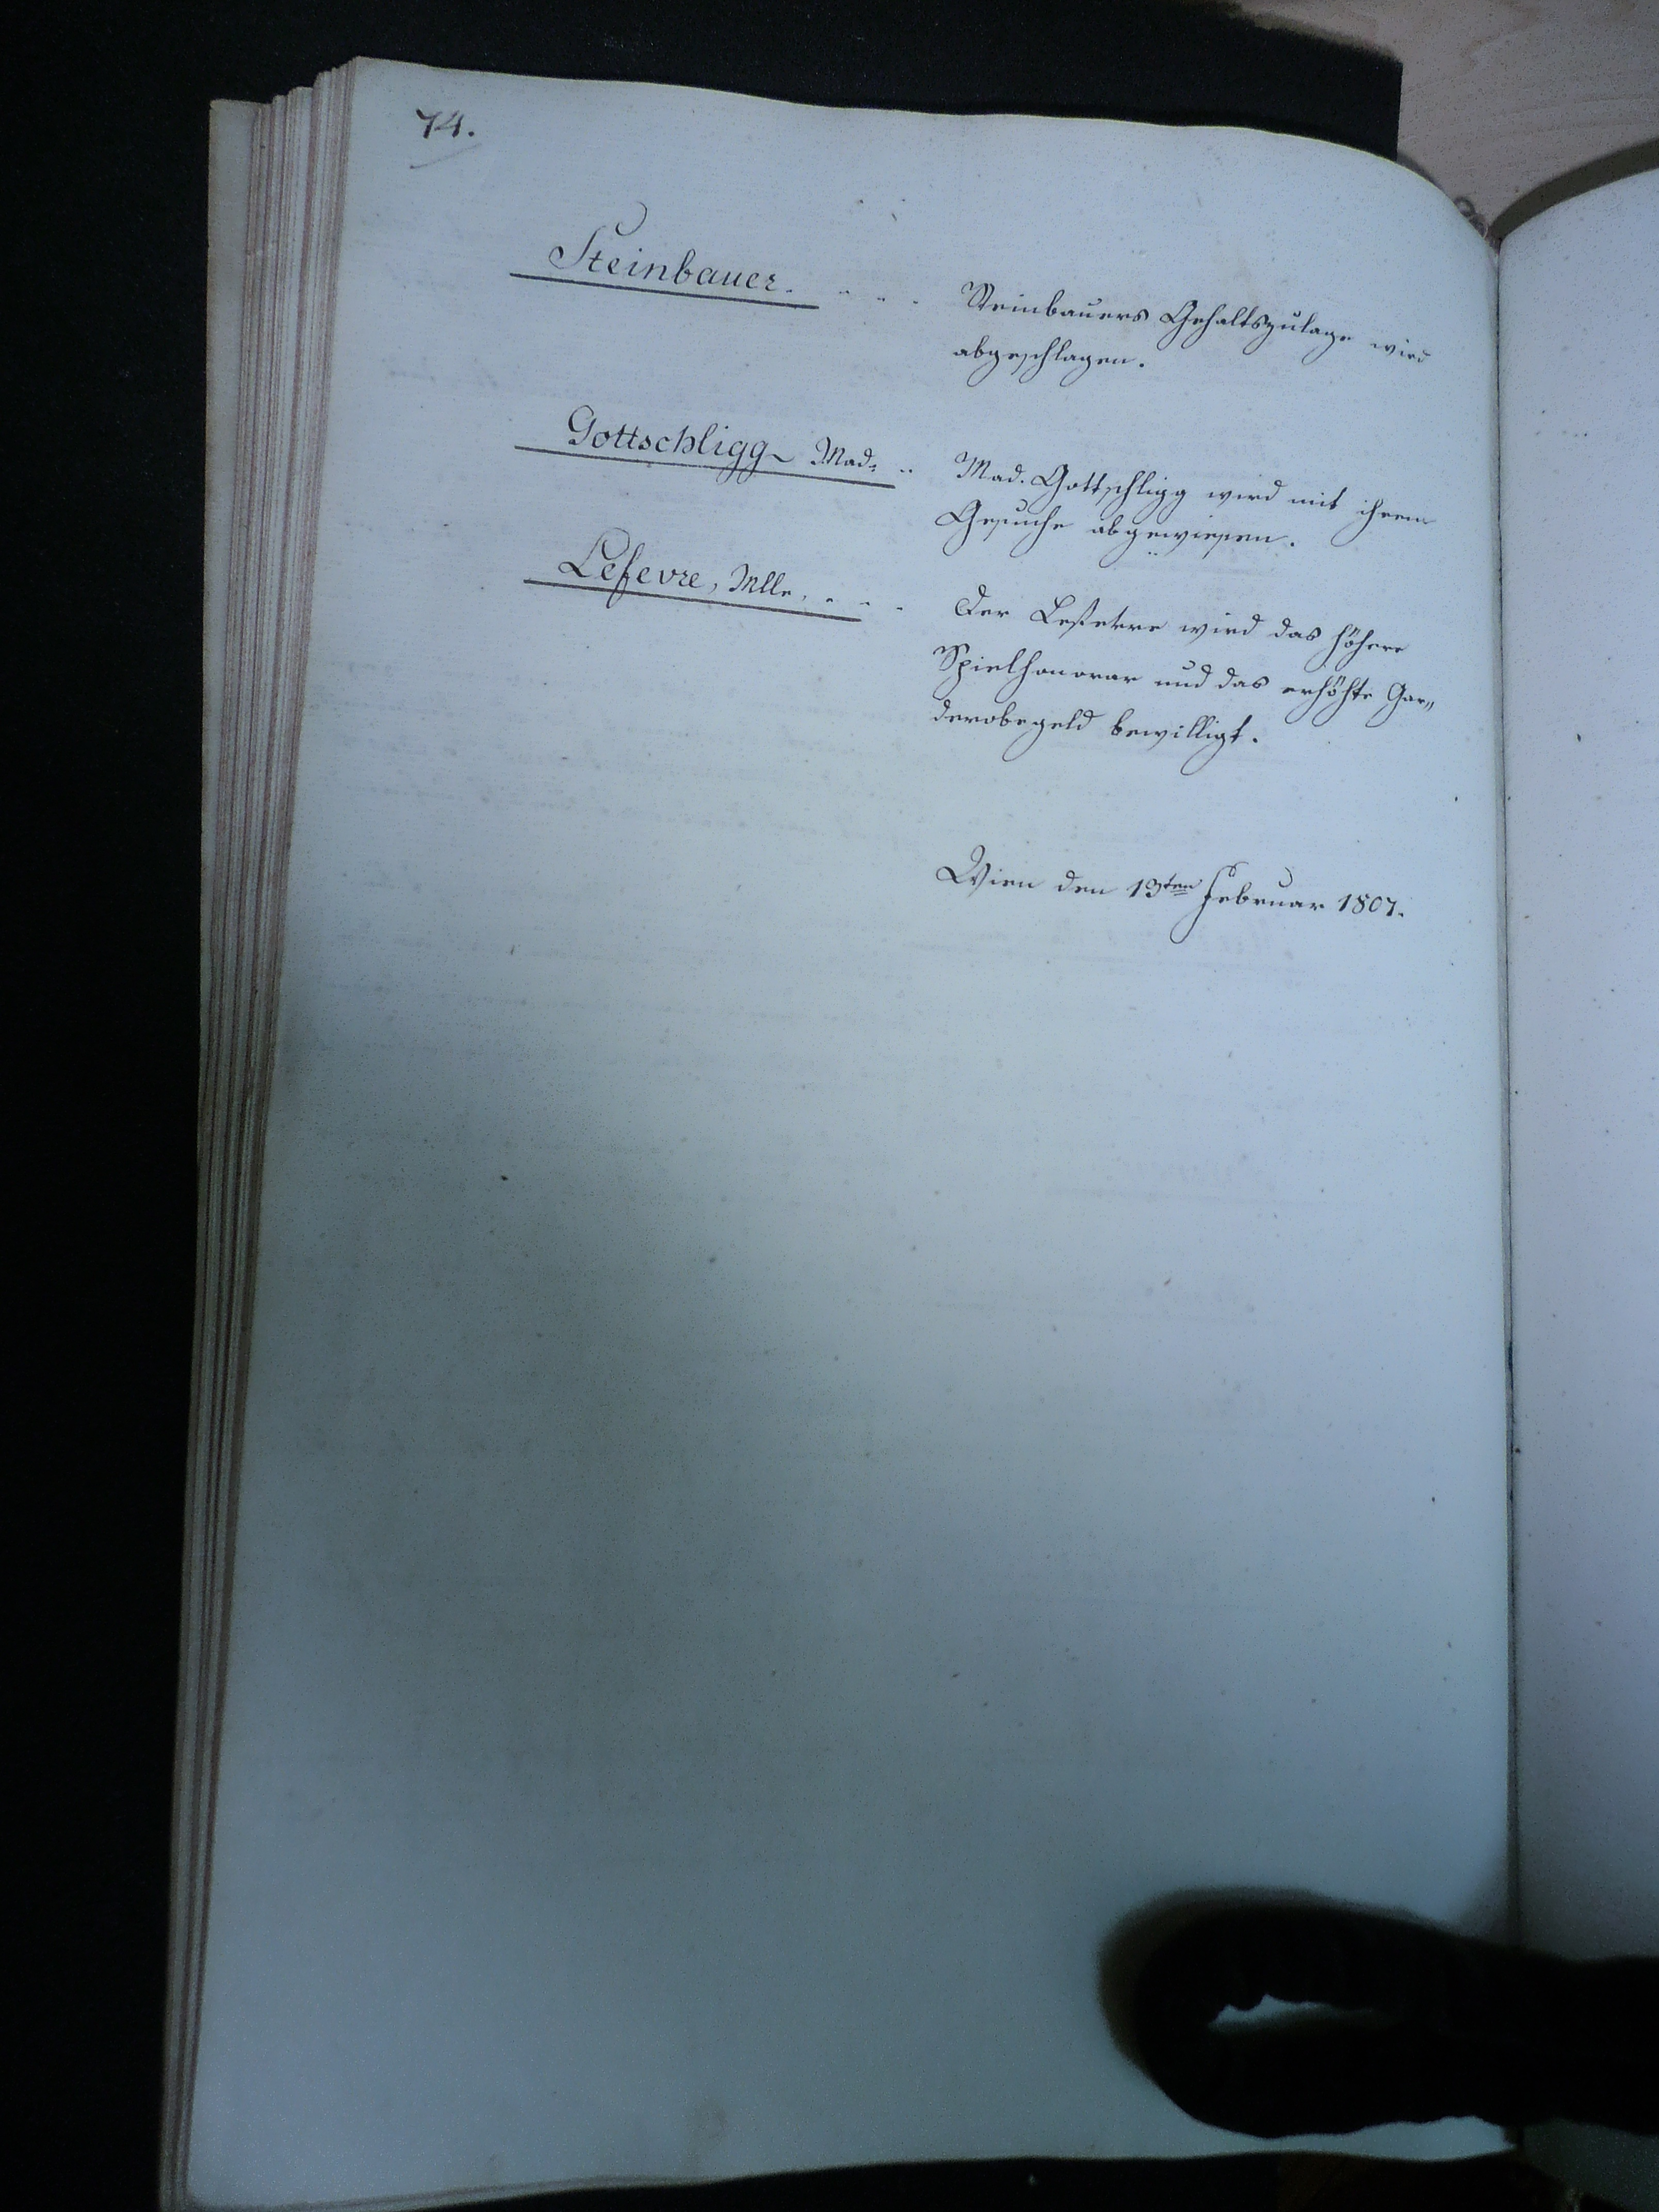74.
Steinbauer. .. .. . Steinbauers Gehaltszulage wird
abgeschlagen.
Gottschligg Mad: .. Mad. Gottschligg wird mit ihrem
Gesuche abgewiesen.
Lefevre, Mlle. .. .. .. Der Lefevre wird das höhere
Spielhonorar und das erhöhte Gar¬
derobegeld bewilligt.
Wien den 13te͇n Februar 1807.